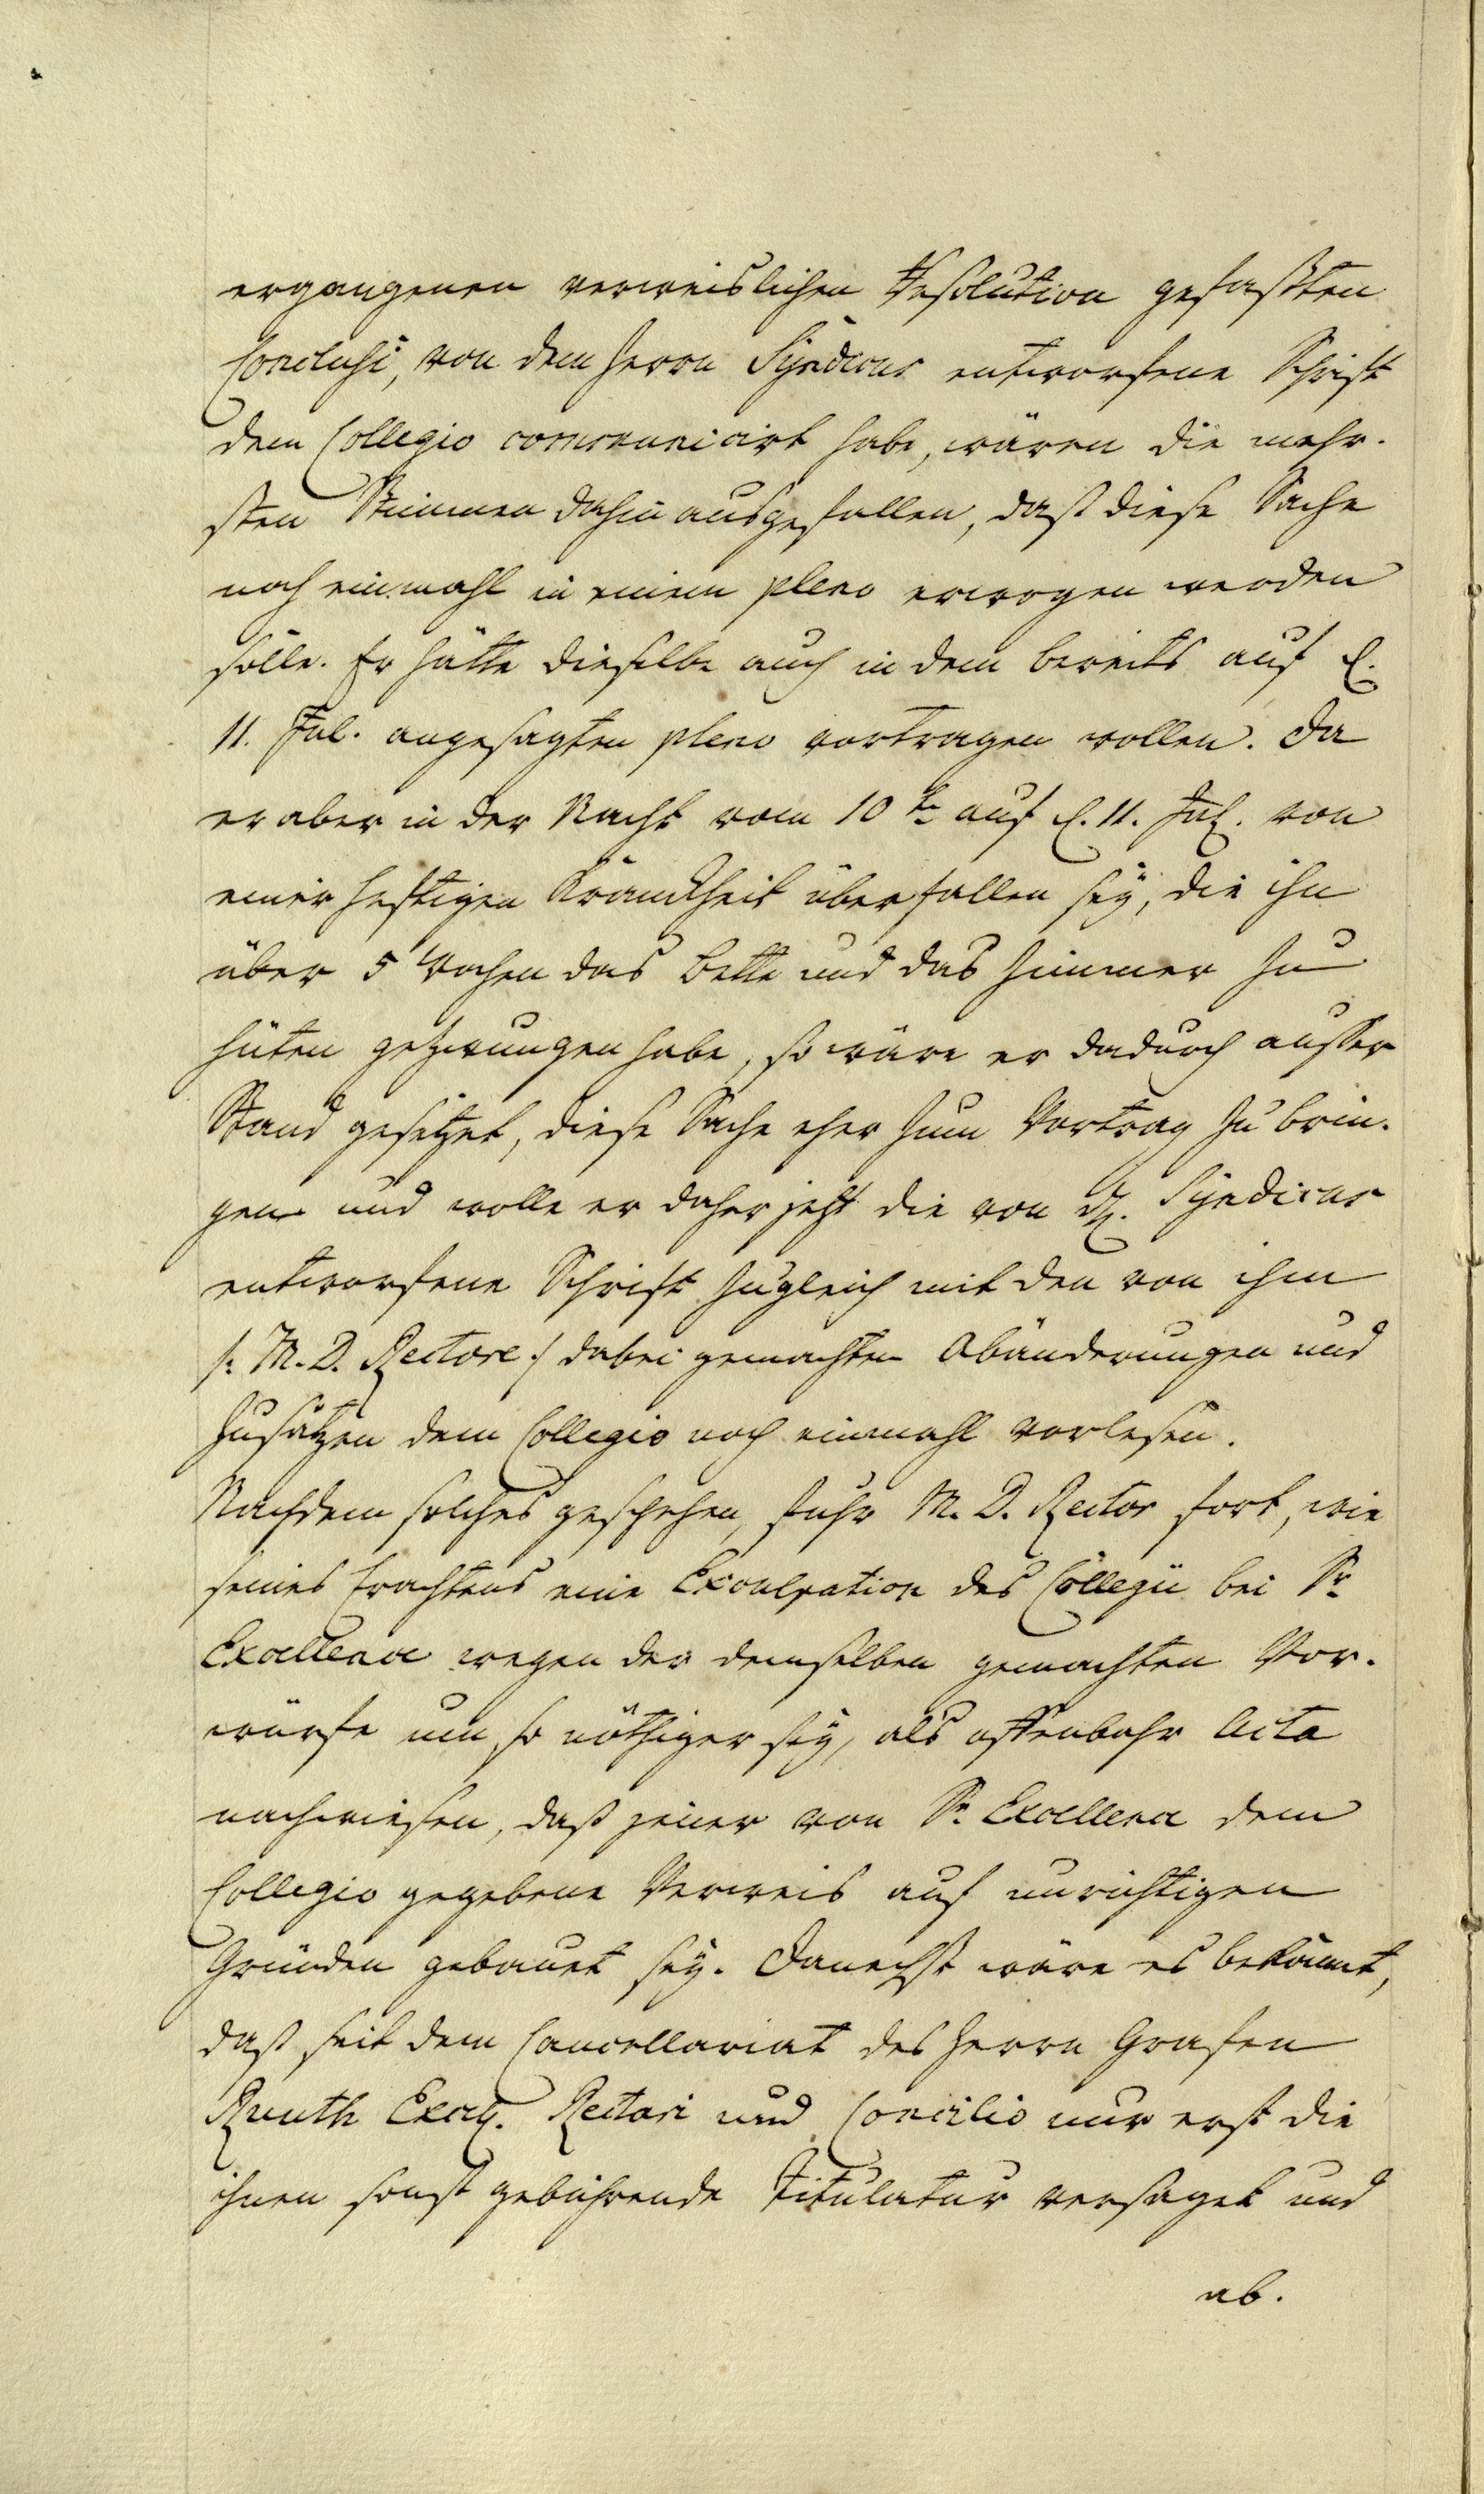ergangenen verweislichen Resolution gefaßten
Conclusi, von dem Herrn Sÿndicus entworfene Schrift
dem Collegio communicirt habe, wären die mehr¬
sten Stimmen dahin ausgefallen, daß diese Sache
noch einmahl in einem pleno erwogen werden
solle. Er hätte dieselbe auch in dem bereits auf d.
11. Jul. angesagten pleno vortragen wollen. Da
er aber in der Nacht vom 10 t auf d. 11. Jul. von
einer heftigen Kranckheit überfallen seÿ, die ihn
über 5 Wochen das Bette und das Zimmer zu
hüten gezwungen habe, so wäre er dadurch ausser
Stand gesetzet, diese Sache eher zum Vortrag zu brin¬
gen und wolle er daher jetzt die von dh. Sÿndicus
entworfene Schrift zugleich mit den von ihm
/: M. D. Rectore ./ dabei gemachten Abänderungen und
Zusätzen dem Collegio noch einmahl vorlesen.
Nachdem solches geschehen, fuhr M. D. Rector fort, wie
seines Erachtens eine Exculpation des Collegii bei Sr
Excellence wegen der demselben gemachten Vor¬
würfe um so nöthiger seÿ, als offenbahr Acta
nachwiesen, daß jener von Sr Excellence dem
Collegio gegebene Verweis auf unrichtigen
Gründen gebauet sey. Danechst wäre es bekannt,
daß seit dem Cancellariat des Herrn Grafen
Ruuth Excell. Rectori und Concilio nur erst die
ihnen sonst gebührende Titulatur versaget und
ab¬